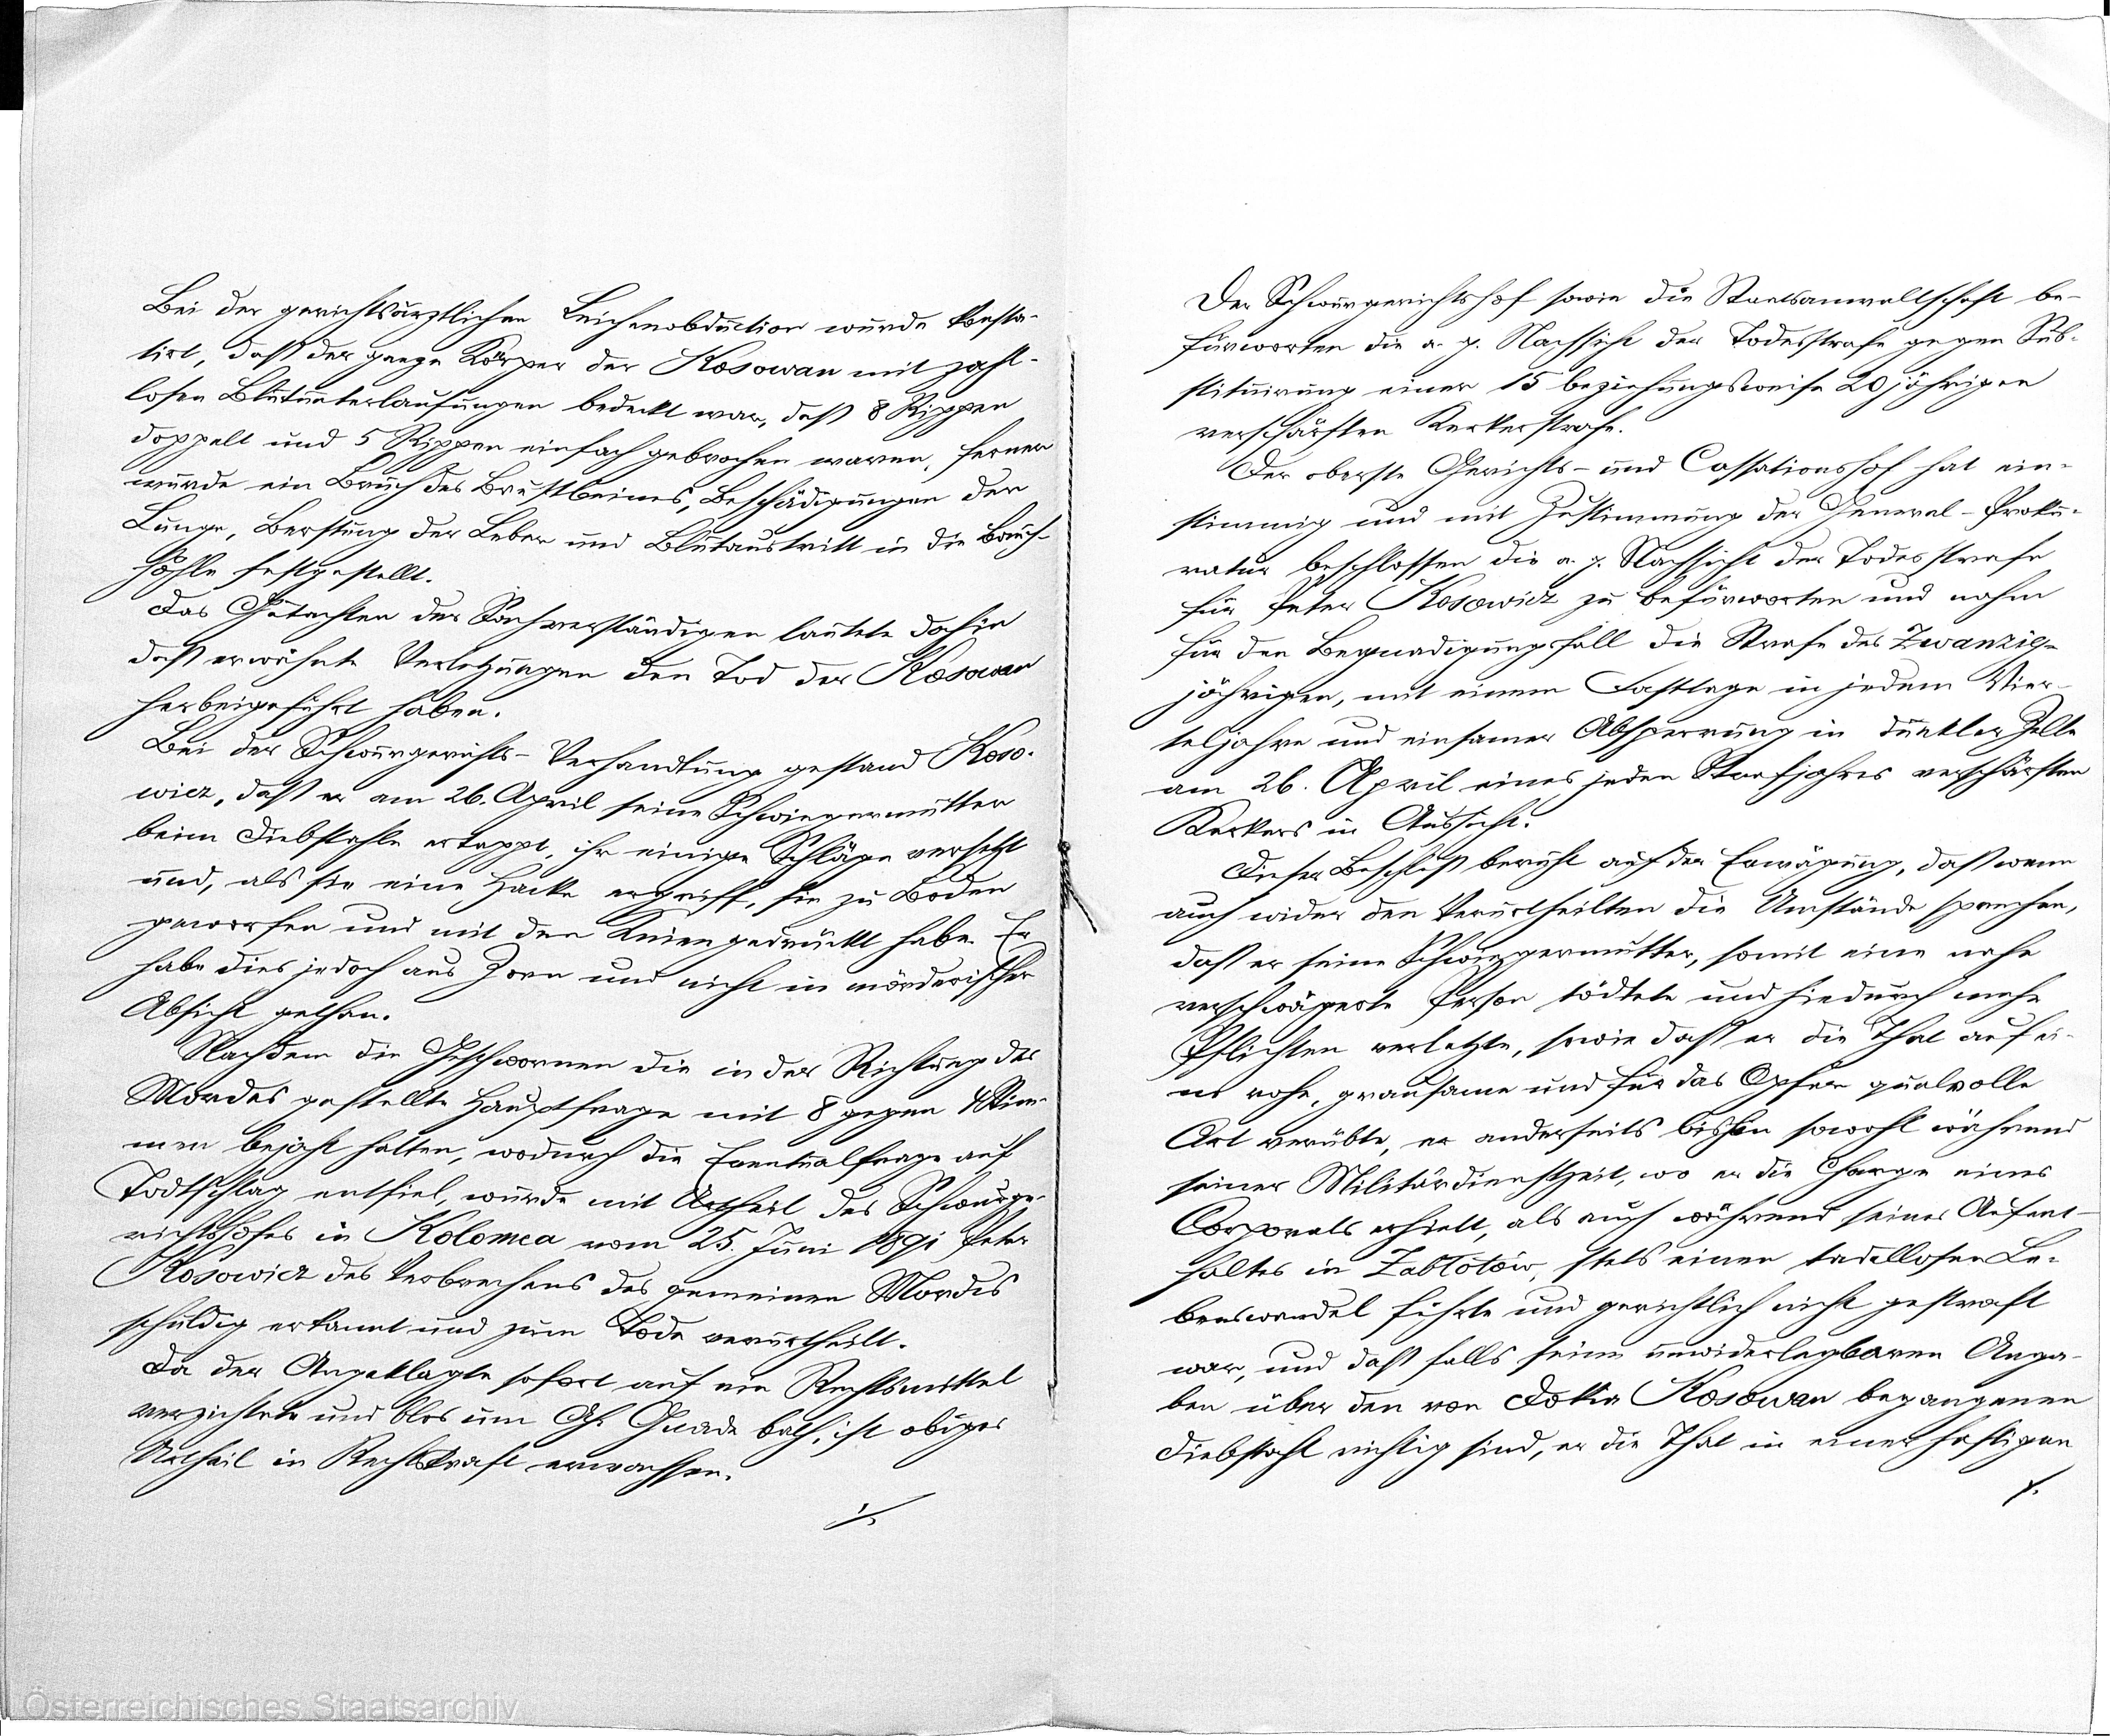Bei der gerichtsärztliche Leichenobduction wurde konsta¬
tirt, daß der ganze Körper der Kosowan mit zahl¬
losen Blutunterlaufungen bedeckt war, daß 8 Rippen
doppelt und 5 Rippen einfach gebrochen waren, ferner
wurde ein Bruch des Brustbeines, Beschädigungen den
Lungen, Berstung der Leber und Blutaustritt in die Bauch¬
höhle festgestellt.
Das Gutachten der Sachverständigen lautete dahin
daß erwähnte Verletzungen den Tod der Kosowan
herbeigeführt haben.
Bei der Schwurgerichts- Verhandlung gestand Koso¬
wicz, daß er am 26. April seine Schwiegermutter
beim Diebstahle ertappt, ihr einige Schläge versetzt
und, als sie eine Hacke ergriff, sie zu Boden
geworfen und mit den Knien gedrückt habe. Er
habe dies jedoch aus Zorn und nicht in mörderischer
Absicht gethan.
Nachdem die Geschworenen die in der Richtung des
Mordes gestellte Hauptfrage mit 8 gegen 4 Stim¬
men bejahft hatten, wodruch die Eventualfrage auf
Todtschlag entfiel, wurde mit Urtheil des Schurge¬
richtshofes in Kolomea vom 25. Juni 1891 Peter
Kosowicz des Verbrechens das gemeinen Mordes
schuldig erkannt und zum Tode verurtheilt.
Da der Angeklagte sofort auf ein Rechtsmittel
verzichtete und blos um Ah. Gnade bath, ist obiges
Urtheil in Rechstkraft erwachsen.
Der Schwurgerichtshof sowie die Staatsanwaltschaft be¬
fürworten die a.g. Nachsicht der Todesstrafe gegen Sub¬
stituirung einer 15 beziehungsweise 20jährigen
verschärften Kerkerstrafe.
Der oberste Gerichts- und Cassationshof hat ein¬
stimmig und mit Zustimmung der General-Proku¬
ratur beschlossen die a.g. Nachsicht der Todesstrafe
für Peter Kosowicz zu befürworten und nahm
für den Begnadigungsfall die Strafe des zwangzig¬
jährigen, mit einem Fasttage in jedem Vier¬
teljahre und einsamer Absperrung in dunkler Zelle
am 26. April eines jeden Strafjahres verschärften
Kerkers in Aussicht.
Dieser Beschluß beruht auf der Erwägung, daß wenn
auch wider den Verurtheilten die Umstände sprechen,
daß er seine Schwiegermutter, somit eine nahe
verschwägerte Person tödtete und hiedurch imhe
Pflichten verletzte, sowie daß er die That auf ei¬
ne rohe, grausame und für das Opfer qualvolle
Art verübte, er anderseits bisher sowohl während
seiner Militärdienstzeit, wo er die Charge eines
Corporals erhielt, als auch während seiner Aufent¬
haltes in Zabłotów, stets einen tadellosen Le¬
benswandel führte und gerichtlich nicht gestraft
war, und daß falls seine unwiderlegbaren Ange¬
ben über den von Dokia Kosowan begangenen
Diebstahl richtig sind, er die That in einer heftigen